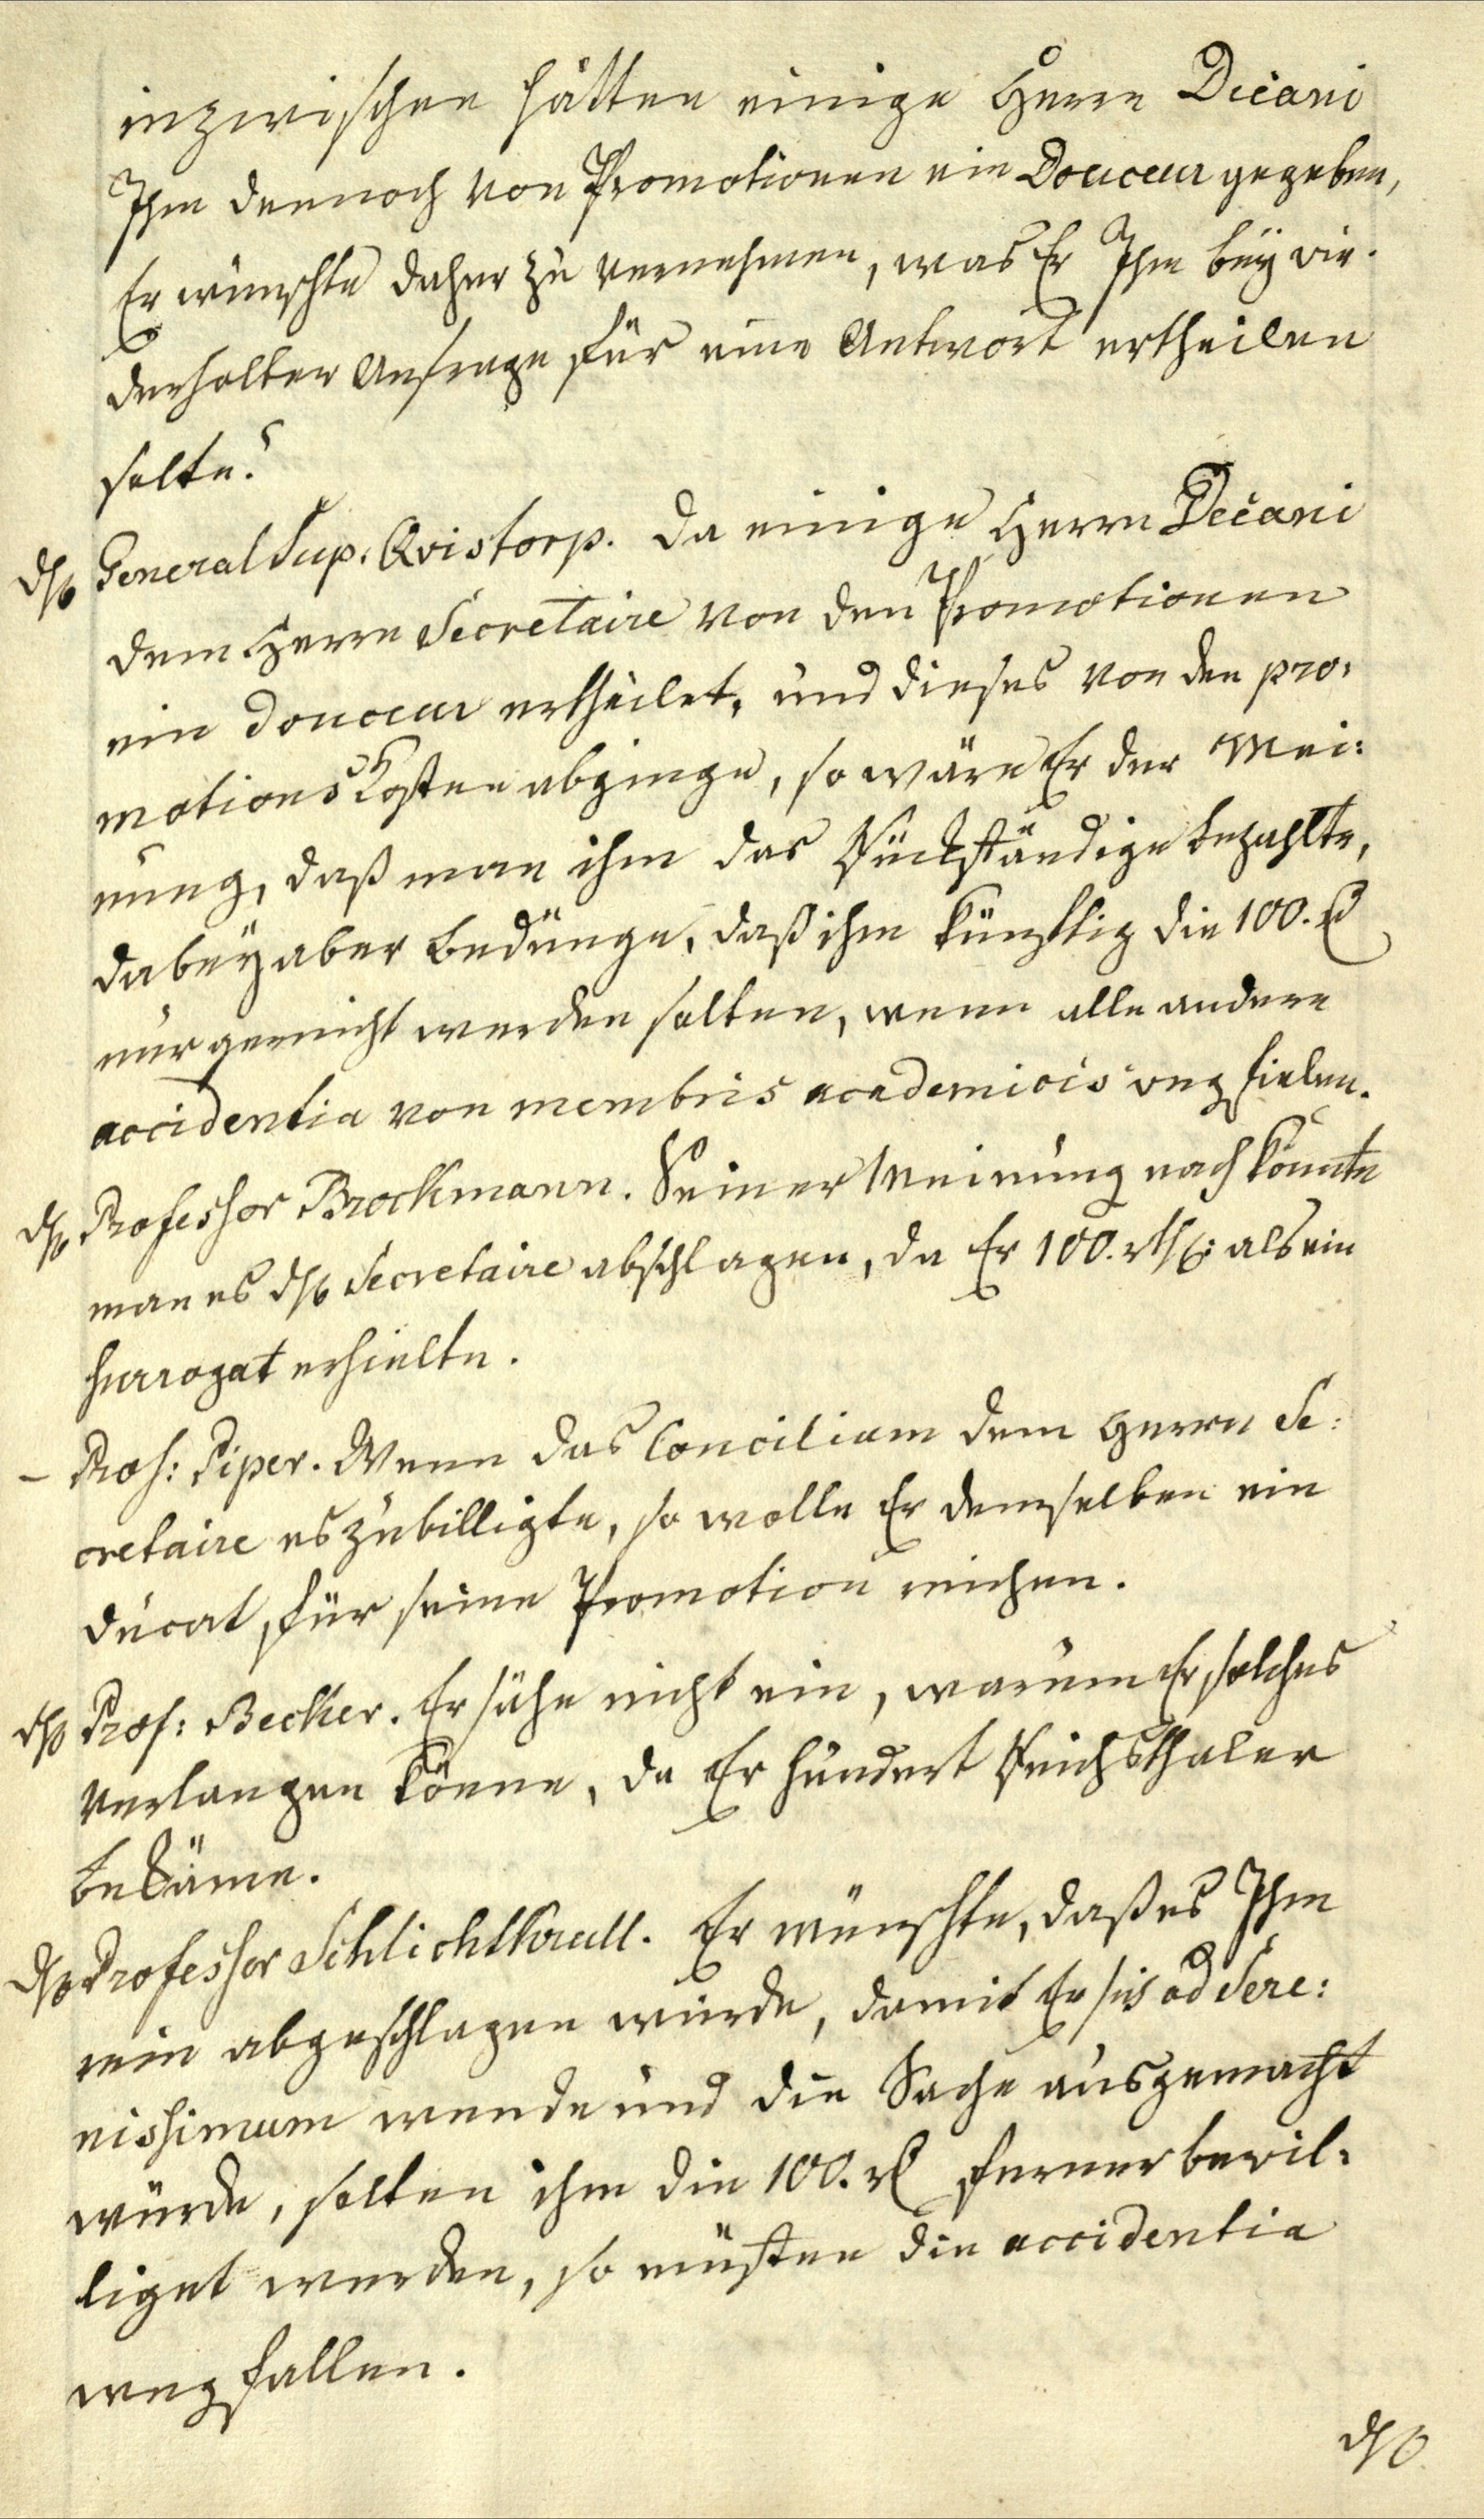inzwischen hätten einige Herrn Decani
Ihm dennoch von Promotionen ein Douceur gegeben,
Er wünschte daher zu vernehmen, was Er Ihm beÿ wie¬
derholter Anfrage für eine Antwort ertheilen
solte?
dh. GeneralSup. Quistorp. Da einige Herrn Decanii
dem Herrn Secretaire von den Promotionen
ein douceur ertheilet, und dieses von den pro¬
mations Kosten abginge, so wäre Er der Mei¬
nung, daß man ihm das Rückständige bezahlte,
dabeÿ aber bedünge, daß ihm künftig die 100. r
nur gereicht werden solten, wenn alle andern
accidentia von membris Academicis wegfielen.
dh Professor Brockmann. Seiner Meinung nach könnte
man es dh Secretaire abschlagen, da Er 100 rth als ein
Surrogat erhielte.
Prof. Piper. Wenn das Concilium dem Herrn Se¬
cretaire es zubilligte, so wolle Er demselben ein
Ducat, für seine Promotion reichen.
dh Prof. Becker. Er sähe nicht ein, warum Er solches
verlangen könne, da Er hundert Reichsthaler
bekäme.
dh Professor Schlichtkrull. Er wünschte, daß es Ihm
rein abgeschlagen würde, damit Er sich ad Sere¬
nissimium wende und die Sache ausgemacht
würde, solten ihm die 100. r ferner bewil¬
liget werden, so müsten die accidenitia
wegfallen.
dh.